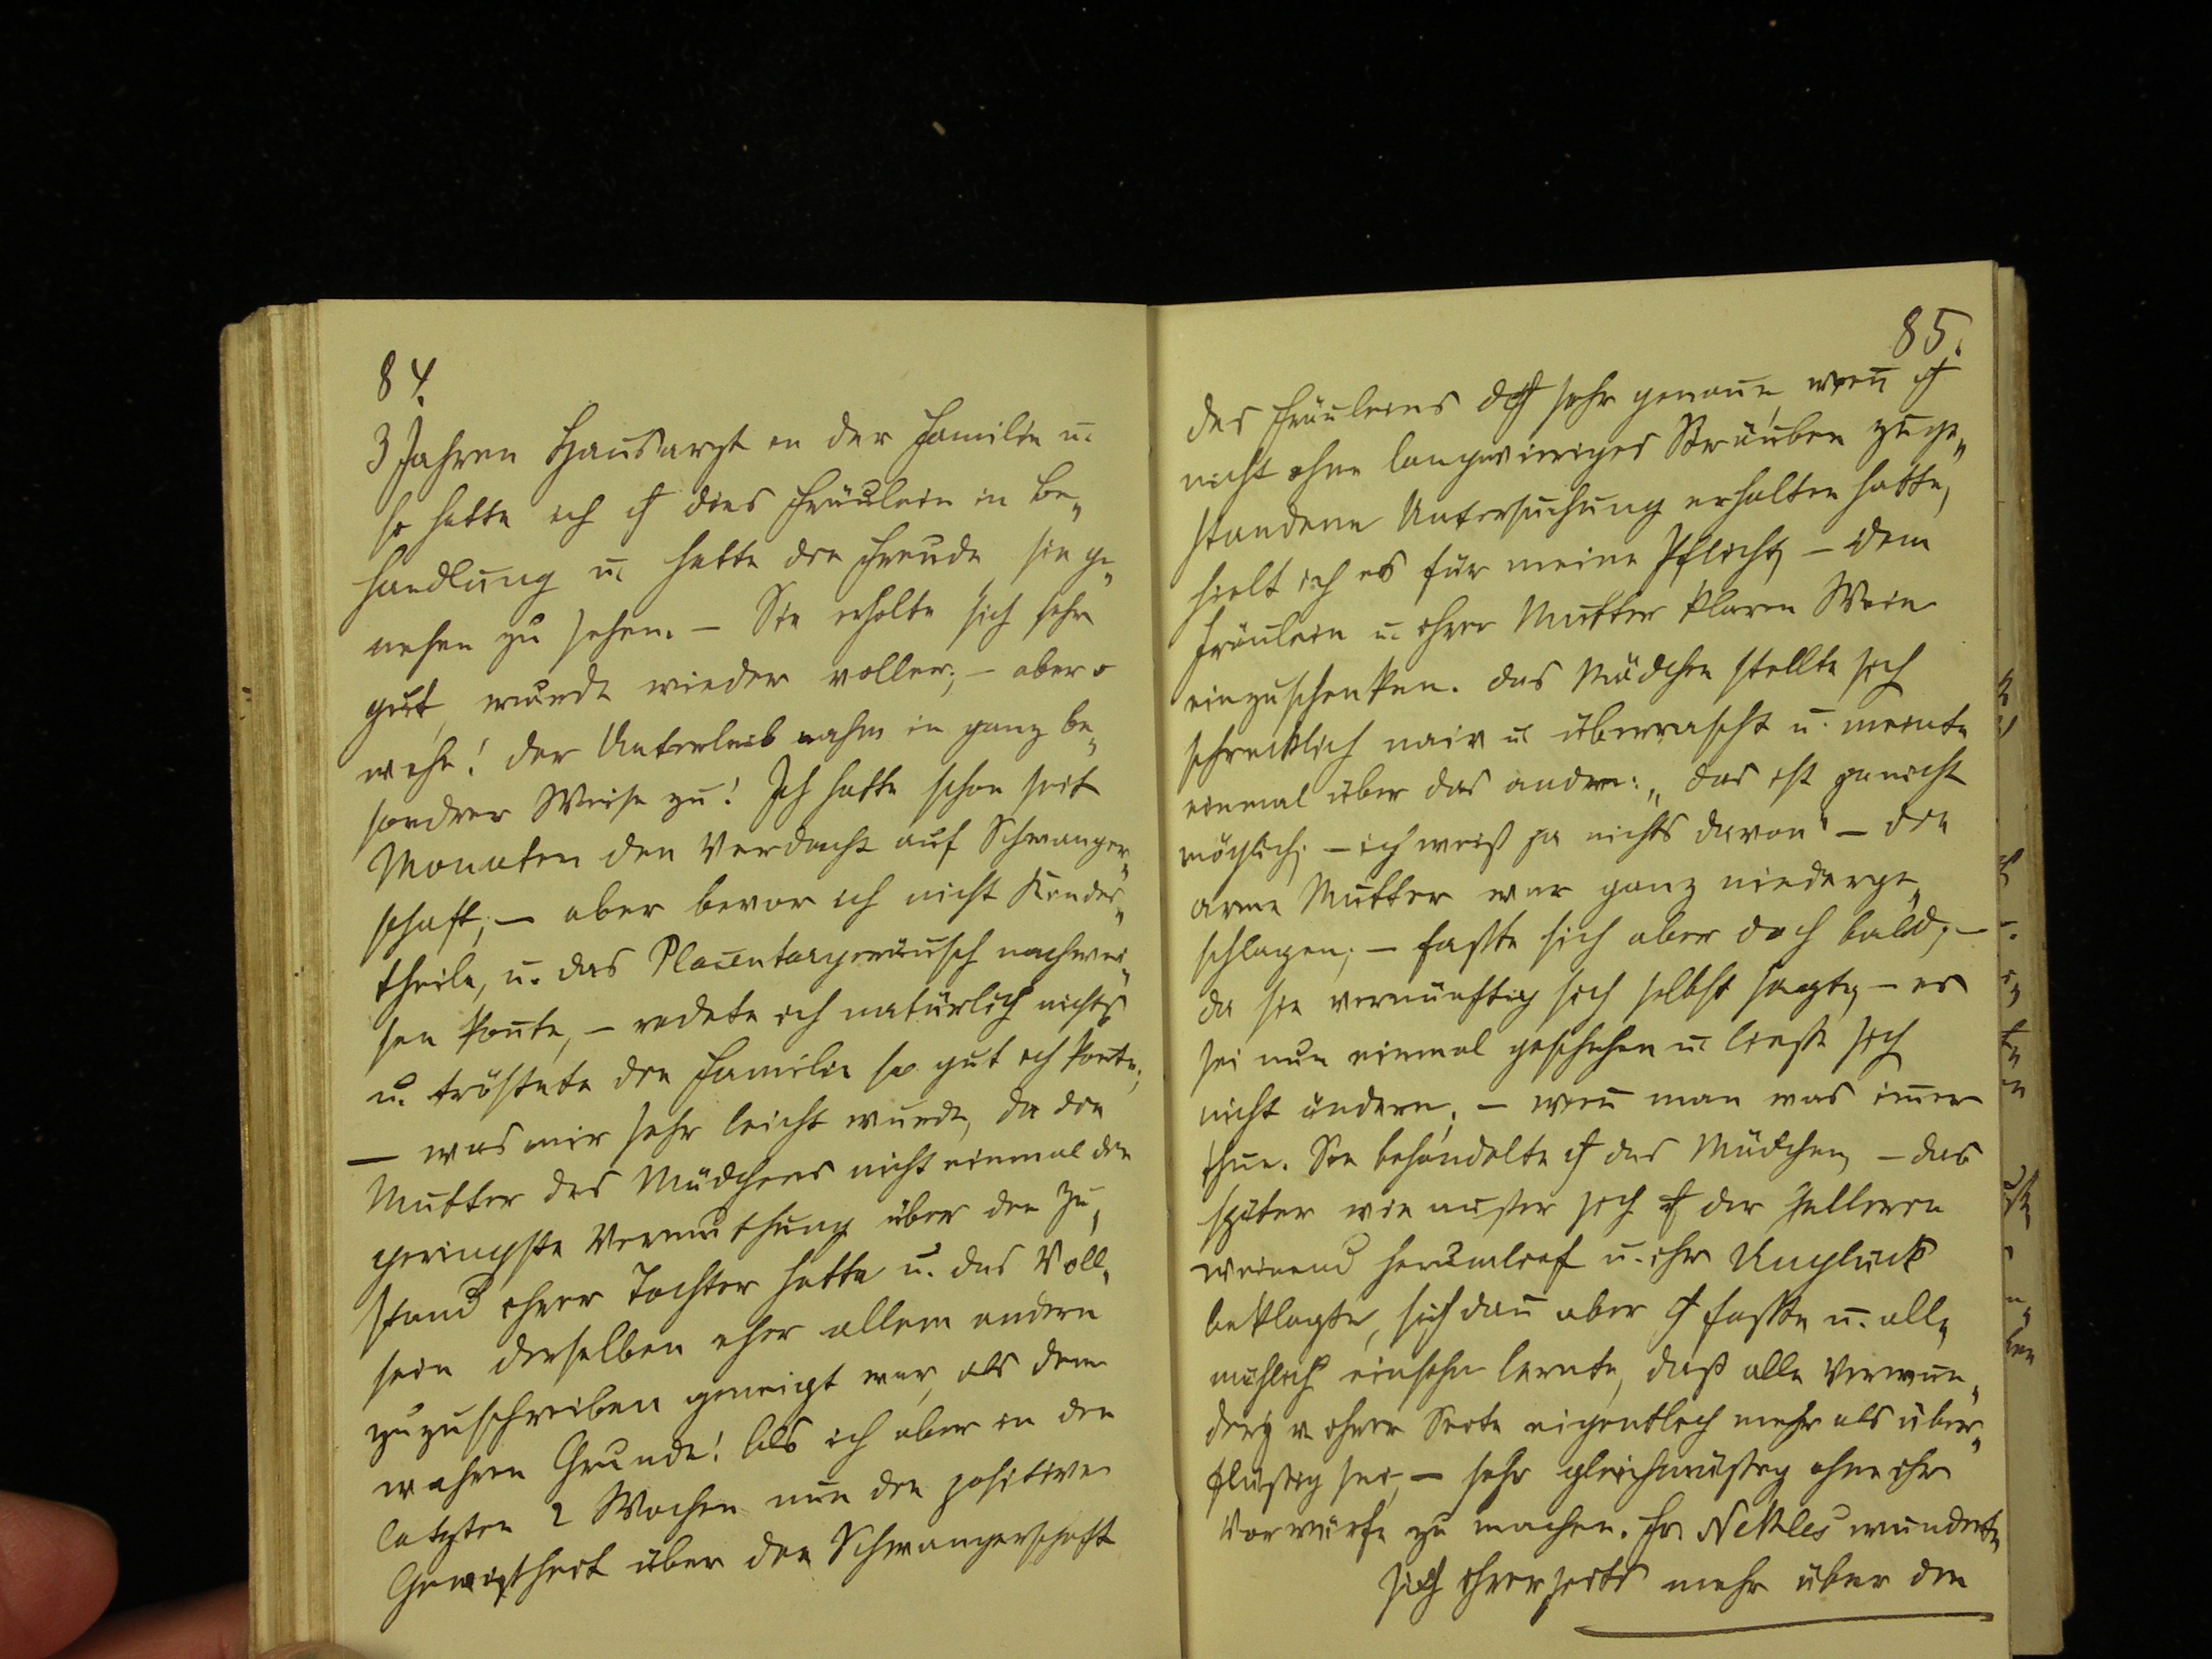84
3 Jahren Hausarzt in der Familie und
so hatte ich auch dies Fräulein in Be¬
handlung und hatte die Freude sie ge¬
nesen zu sehen.-Sie erholte sich sehr
gut , wurde wieder voller;- aber o
weh! Der Unterleib nahm in ganz be¬
sonderer Weise zu,- Ich hatte schon seit
Monaten den Verdacht auf Schwanger¬
schaft;-aber bevor ich nicht Kindes¬
theile, und das Placentargeräusch nachwei¬
sen konnte ,-redete ich natürlich nicht
und tröstete die Familie so gut ich konnte
-Was mir sehr leicht wurde, da die
Mutter des Mädchens nicht den einmal die
geringste Vermutung über den Zu¬
stand ihrer Tochter hatte und das Voll¬
sein derselben eher allem anderen
zuzuschreiben geneigt war als dem
wahren Grund !,-Als ich aber in den
letzten 2 Wochen nun die positiven
Gewißheit über die Schwangerschaft
85
des Fräuleins durch sehr genaue, wenn auch
nicht ohne langwieriges Sträuben zuge¬
standene Untersuchung erhalten hatte ,
hielt ich es für meine Pflicht-dem
Fräulein und ihrer Mutter klaren Wein
einzuschenken. Das Mädchen stellte sich
schrecklich naiv und überrascht und meinte
einmal über das andere:“ das ist gar nicht
möglich , -ich weiß ja nichts davon - die
arme Mutter war ganz niederge¬
schlagen;- faßte sich aber doch bald –
Da sie vernünftig sich selbst sagte,-es
sei nun einmal geschehen und ließe sich
nicht ändern,-wenn man was immer
thue. Sie behandelte auch das Mädchen,- das
später wie außer sich auf der Gallerie
weinend herumlief und ihr Unglück
beklagte , sich dann aber auch faßte und all¬
mählich einsehen lernte , daß alle Verwun¬
derung von ihrer Seite eigentlich mehr als über¬
flüssig sei,- sehr gleichmäßig ohne ihr
Vorwürfe. Fr. Nekles wunderte
sich ihrerseits mehr über den